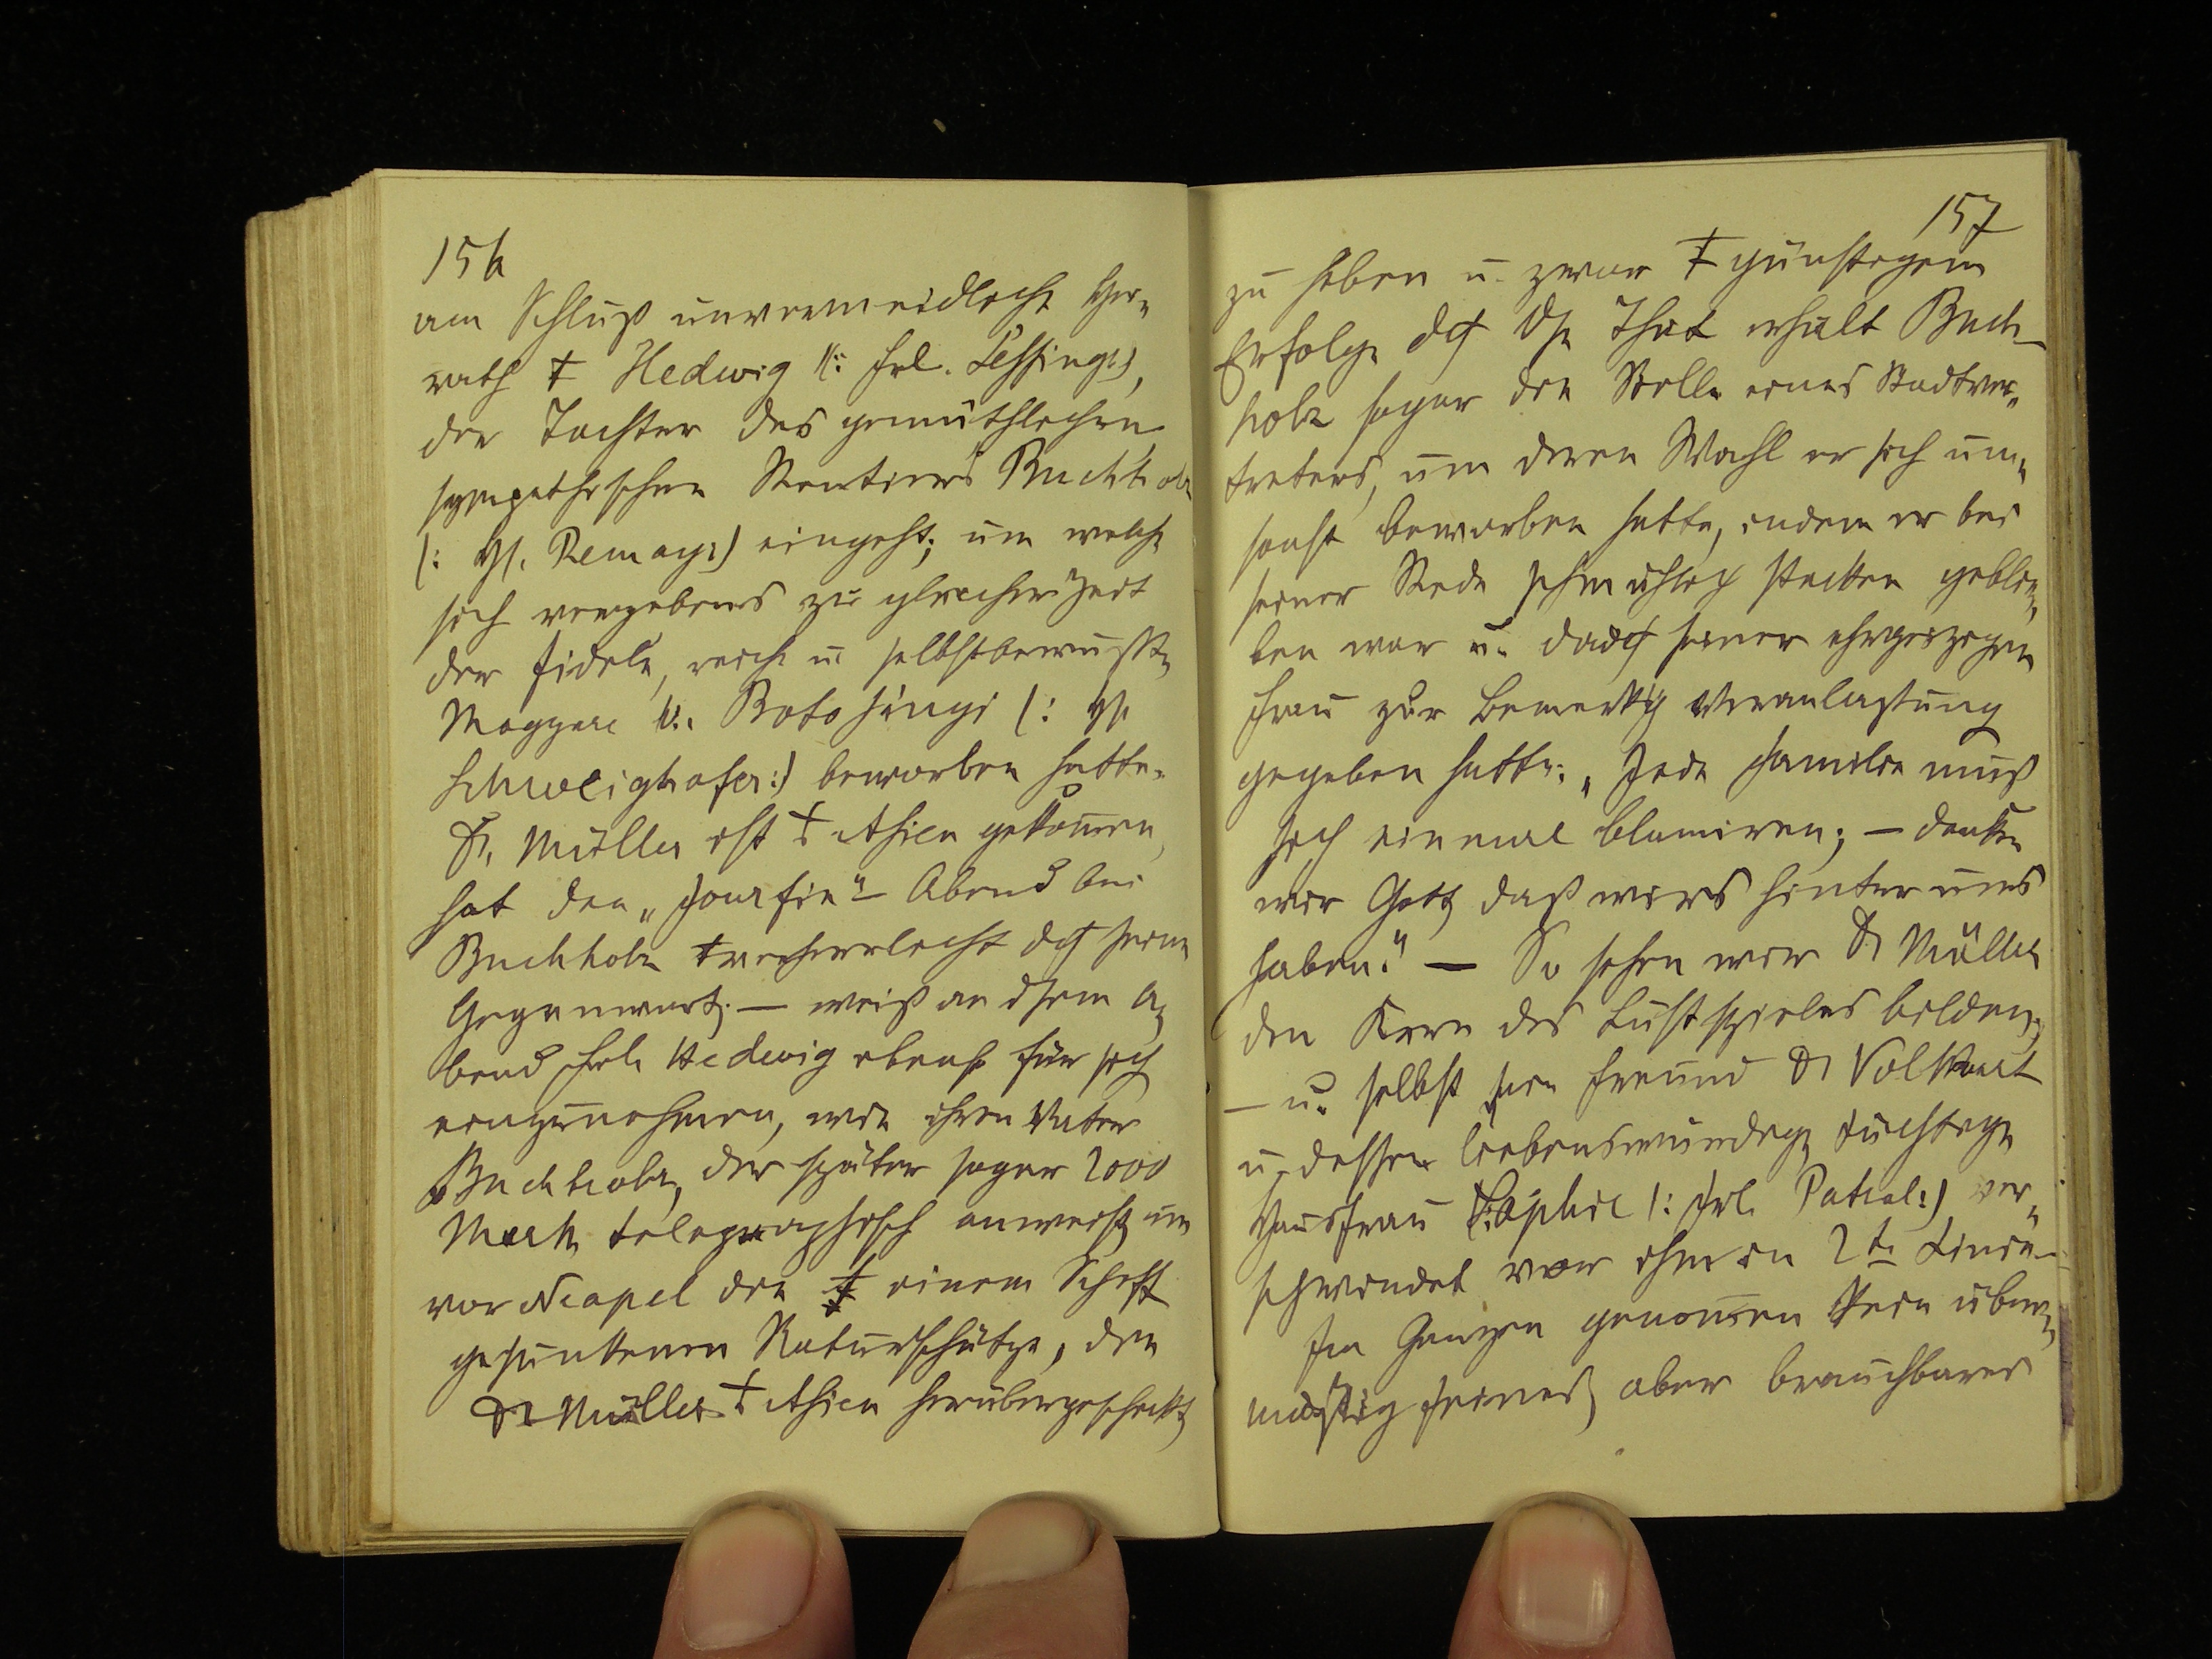156
am Schluß unvermeidliche Hei¬
rat mit Hedwig (: Frl. Lessing: )
der Tochter des gemütlichen ,
sympathischen Rentiers Buchholz
( : H. Remay : ) eingeht; um welche
sich zu gleicher Zeit
der fidele, selbsbewußte
Magyare V. Botohanyi ( : H.
Schweighofer : ) beworben hatte.
Dr.Miller ist aus Asien gekommen
hat den „Jour-fix“- Abend bei
Buchholz verherrlicht durch seine
Gegenwart.- weiß an diesem A¬
bend Frl Hedwig ebenso für sich
einzunehmen, wie ihren Vater
Buchholz, der später sogar 2000
Mark telegraphisch anweist um
vor Neapel die mit einem Schiff
gekommenen Naturschätze, die
Dr. Miller aus Asien herübergeschickt
157
zu heben und zwar mit günstigem
Erfolg. Durch diese That erhält Buch¬
holz sogar die Stolle eines Stadtver¬
treters, um deren Wahl er sich um¬
sonst beworben hatte indem er bei
seiner Rede sichtlig stecken geblie¬
ben war und dadurch seiner ehrgeizigen
Frau zur Bemerkung Veranlaßung
gegeben hatte:“ Jede Familie muß
sich einmal blamieren- danken
wir Gott das wir es hinter uns
haben.“ So sehr war Dr. Miller
der Kern des Lustspieles bildung
—und selbst sein Freund Dr. Volkarth
und dessen liebenswürdige, tüchtige
Hausfrau Liaphie ( : Frl. Patial : ) ver¬
schwindet vor ihm in 2-te Linie.
Im Ganzen genommen kein über¬
mäßig feines aber brauchbares